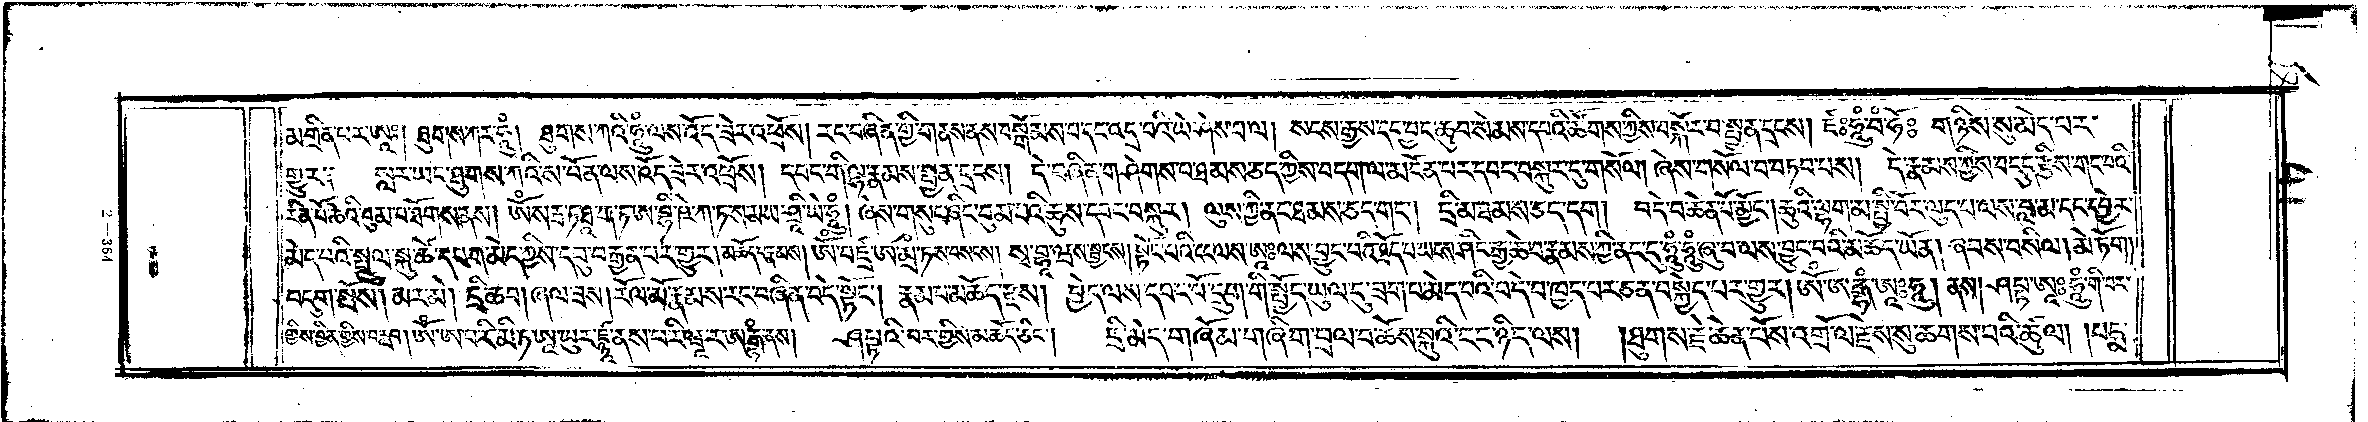མགྲིན་པར་ཨཱཿ། ཐུགས་ཀར་ཧཱུཾ། ཐུགས་ཀའི་ཧཱུཾ་ལས་འོད་ཟེར་འཕྲོས། རང་བཞིན་གྱི་གནས་ནས་བསྒོམས་པ་དང་འདྲ་བའི་ཡེ་ཤེས་པ་ལ། སངས་རྒྱས་དང་བྱང་ཆུབ་སེམས་དཔའི་ཚོགས་ཀྱིས་བསྐོར་བ་སྤྱན་དྲངས། ཛཿཧཱུཾ་བཾ་ཧོཿགཉིས་སུ་མེད་པར་
གྱུར༑ སླར་ཡང་ཐུགས་ཀའི་ས་བོན་ལས་འོད་ཟེར་འཕྲོས། དབང་གི་ལྷ་རྣམས་སྤྱན་དྲངས། དེ་བཞིན་གཤེགས་པ་ཐམས་ཅད་ཀྱིས་བདག་ལ་མངོན་པར་དབང་བསྐུར་དུ་གསོལ། ཞེས་གསོལ་བ་བཏབ་པས། དེ་རྣམས་ཀྱིས་བདུད་རྩིས་གང་བའི་
རིན་པོ་ཆེའི་བུམ་པ་ཐོགས་ནས། ཨོཾ་སརྦ་ཏ་ཐཱ་ག་ཏ་ཨ་བྷི་ཥྲི་ཀ་ཏ་ས་མ་ཡ་ཥྲཱི་ཡེ་ཧཱུཾ། ཞེས་གསུང་ཞིང་བུམ་པའི་ཆུས་དབང་བསྐུར། ལུས་ཀྱི་ནང་ཐམས་ཅད་གང་། དྲི་མ་ཐམས་ཅད་དག། བདེ་བ་ཆེན་པོ་མྱོང་། ཆུའི་ལྷག་མ་སྤྱི་བོར་ལུད་པ་ལས་བླ་མ་དང་དབྱེར་
མེད་པའི་སྤྲུལ་སྐུ་ཚེ་དཔག་མེད་ཀྱིས་དབུ་བརྒྱན་པར་གྱུར། མཆོད་པ་རྣམས།  ཨོཾ་བཛྲ་ཨ་མྲྀ་ཏ་ས་བསངས། སྭ་བྷཱ་ཝས་སྦྱངས། སྟོང་པའི་ངང་ལས་ཨཱཿལས་བྱུང་བའི་ཐོད་པ་ཡངས་ཤིང་རྒྱ་ཆེ་བ་རྣམས་ཀྱི་ནང་དུ་ཧཱུཾ་ཧཱུཾ་ཞུ་བ་ལས་བྱུང་བའི་མཆོད་ཡོན། ཞབས་བསིལ། མེ་ཏོག།
བདུག་སྤོས། མར་མེ། དྲི་ཆབ། ཞལ་ཟས། རོལ་མོ་རྣམས་རང་བཞིན་བདེ་སྟོང་། རྣམ་པ་མཆོད་རྫས། བྱེད་ལས་དབང་པོ་དྲུག་གི་སྤྱོད་ཡུལ་དུ་ཟག་པ་མེད་པའི་བདེ་བ་ཁྱད་པར་ཅན་བསྐྱེད་པར་གྱུར། ཨོཾ་ཨ་རྒྷཾ་ཨཱཿཧཱུཾ། ནས། ཤཔྟ་ཨཱཿཧཱུཾ་གི་བར་
གྱིས་བྱིན་གྱིས་བརླབ། ཨོཾ་ཨ་བ་རི་མི་ཏ་ཨཱ་ཡུར་ཛྙཱ་ནས་པ་རི་ཝཱ་ར་ཨརྒྷཾ་ནས། ཤཔྟའི་བར་གྱིས་མཆོད་ཅིང་། དྲི་མེད་གཞོམ་གཞིག་བྲལ་བ་ཆོས་སྐུའི་ངང་ཉིད་ལས། །ཐུགས་རྗེ་ཆེན་པོས་འགྲོ་ལ་རྗེས་སུ་ཆགས་པའི་ཚུལ། །པདམ་